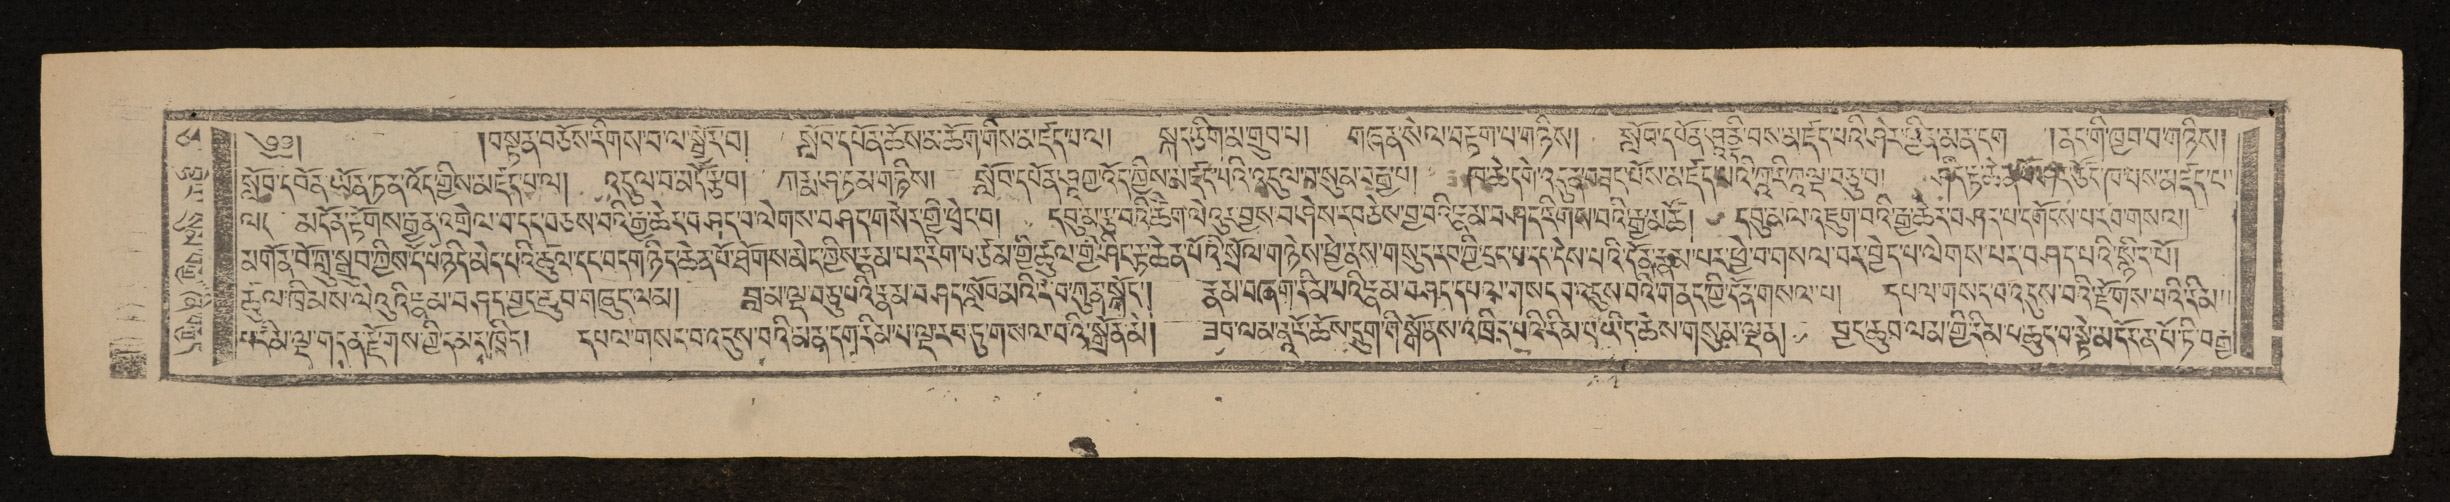༄༅། །བསྟན་བཅོས་རིགས་པ་ལ་སྦྱོར་བ། སློབ་དཔོན་ཆོས་མཆོག་གིས་མཛད་པ་ལ། སྐད་ཅིག་མ་གྲུབ་པ། གཞན་སེལ་བརྟག་པ་གཉིས། སློབ་དཔོན་ཤཱནྟི་བས་མཛད་པའི་ཤེར་ཕྱིན་མན་ངག །ནང་གི་ཁྱབ་པ་གཉིས།
སློབ་དཔོན་ཡོན་ཏན་འོད་ཀྱིས་མཛད་པ་ལ། འདུལ་བ་མདོ་རྩ་བ། ཀརྨ་ཤ་ཏམ་གཉིས། སློབ་དཔོན་ཤཱཀྱ་འོད་ཀྱིས་མཛད་པའི་འདུལ་བ་སུམ་བརྒྱ་བ། ཁ་ཆེ་དགེ་འདུན་བཟང་པོས་མཛད་པའི་ཀཱ་རི་ཀཱ་ལྔ་བཅུ་པ། ཤིང་རྟ་ཆེན་པོ་ཤར་ཙོང་ཁ་པས་མཛད་པ་
ལ༑ མངོན་རྟོགས་རྒྱན་འགྲེལ་པ་དད་བཅས་པའི་རྒྱ་ཆེར་བཤད་པ་ལེགས་བཤད་གསེར་གྱི་ཕྲེང་བ། དབུ་མ་རྩ་བའི་ཚིག་ལེའུར་བྱས་པ་ཤེས་རབ་ཅེས་བྱ་བའི་རྣམ་བཤད་རིགས་པའི་རྒྱ་མཚོ། དབུ་མ་ལ་འཇུག་པའི་རྒྱ་ཆེར་བཤད་པ་དགོངས་པ་རབ་གསལ།
མགོན་པོ་ཀླུ་སྒྲུབ་ཀྱིས་ངོ་བོ་ཉིད་མེད་པའི་ཚུལ་དང་བདག་ཉིད་ཆེན་པོ་ཐོགས་མེད་ཀྱིས་རྣམ་པར་རིག་པ་ཙམ་གྱི་ཚུལ་གྱི་ཤིང་རྟ་ཆེན་པོའི་སྲོལ་གཉིས་ཕྱེ་ནས་གསུང་རབ་ཀྱི་དྲང་པ་དང་དེས་པའི་དོན་རྣམ་པར་ཕྱེ་བ་གསལ་བར་བྱེད་པ་ལེགས་པར་བཤད་པའི་སྙིང་པོ།
ཚུལ་ཁྲིམས་ལེའུའི་རྣམ་བཤད་བྱང་ཆུབ་གཞུང་ལམ། བླ་མ་ལྔ་བཅུ་པའི་རྣམ་བཤད་སློབ་མའི་རེ་བ་ཀུན་སྐོང་། རྣམ་བཞག་རིམ་པའི་རྣམ་བཤད་དཔལ་གསང་བ་འདུས་པའི་གནད་ཀྱི་དོན་གསལ་བ། དཔལ་གསང་བ་འདུས་པའི་རྫོགས་པའི་རིམ་
པ་རིམ་ལྔ་གདན་རྫོགས་ཀྱི་དམར་ཁྲིད། དཔལ་གསང་བ་འདུས་པའི་མན་ངག་རིམ་པ་ལྔ་རབ་ཏུ་གསལ་བའི་སྒོན་མེ། ཟབ་ལམ་ནཱ་རོ་ཆོས་དྲུག་གི་སྒོ་ནས་འཁྲིད་པའི་རིམ་པ་ཡིད་ཆེས་གསུམ་ལྡན། བྱང་ཆུབ་ལམ་གྱི་རིམ་བ་ཆུང་བ་སྟེ་མདོར་ན་པོ་ཏི་བརྒྱ་